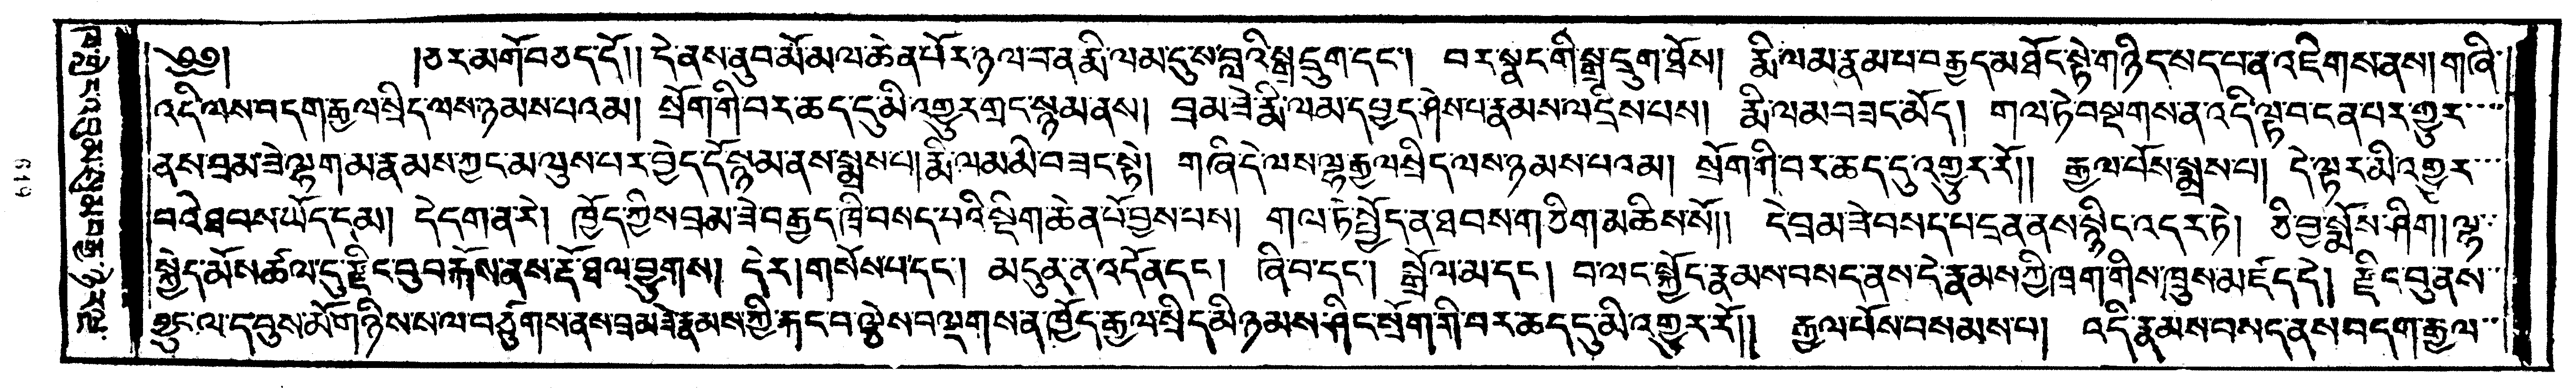༄༅། །ཅར་མགོ་བཅད་དོ།། དེ་ནས་ནུབ་མོ་མལ་ཆེན་པོར་ཉལ་བན་རྨི་ལམ་དུས་བླའི་སྒྲ་དྲུག་དང་། བར་སྣང་གི་སྒྲ་དྲུག་ཐོས། རྨི་ལམ་རྣམ་པ་བརྒྱད་མཐོང་སྟེ་གཉིད་སད་པ་ན་འཇིགས་ནས། གཞི་
འདི་ལས་བདག་རྒྱལ་སྲིད་ལས་ཉམས་པའམ། སྲོག་གི་བར་ཆད་དུ་མི་འགྱུར་གྲང་སྙམ་ནས། བྲམ་ཟེ་རྨི་ལམ་དཔྱད་ཤེས་པ་རྣམས་ལ་དྲིས་པས། རྨི་ལམ་བཟང་མོད། གལ་ཏེ་བསྔགས་ན་འདི་ལྟ་བ་ངན་པར་གྱུར་
ནས་བྲམ་ཟེ་ལྷག་མ་རྣམས་ཀྱང་མ་ལུས་པར་བྱེད་དོ་སྙམ་ནས་སྨྲས་པ། རྨི་ལམ་མི་བཟང་སྟེ། གཞི་དེ་ལས་ལྷ་རྒྱལ་སྲིད་ལས་ཉམས་པའམ། སྲོག་གི་བར་ཆད་དུ་འགྱུར་རོ།། རྒྱལ་པོས་སྨྲས་པ། དེ་ལྟར་མི་འགྱུར་
བའི་ཐབས་ཡོད་དམ། དེ་དག་ན་རེ། ཁྱོད་ཀྱིས་བྲམ་ཟེ་བརྒྱད་ཁྲི་བསད་པའི་སྡིག་ཆེན་པོ་བྱས་པས། གལ་ཏེ་སྤྱོད་ན་ཐབས་གཅིག་མཆིས་སོ།། དེ་བྲམ་ཟེ་བསད་པ་དྲན་ནས་སྙིང་འདར་ཏེ། ཅི་བྱ་སྨོས་ཤིག། ལྷ་
སྐྱེད་མོས་ཚལ་དུ་རྫིང་བུ་བརྐོས་ནས་རྡོ་ཐལ་བྱུགས། དེར། གསོས་པ་དང་། མདུན་ན་འདོན་དང་། ཞི་བ་དང་། སྒྲོལ་མ་དང་། བ་ལང་སྐྱོང་རྣམས་བསད་ནས་དེ་རྣམས་ཀྱི་ཁྲག་གིས་ཁྲུས་མཛད་དེ། རྫིང་བུ་ནས་
བྱུང་ལ་དབུས་མོ་གཉིས་ས་ལ་བཙུགས་ནས་བྲམ་ཟེ་རྣམས་ཀྱི་རྐང་བ་ལྕེས་བལྡགས་ན་ཁྱོད་རྒྱལ་སྲིད་མི་ཉམས་ཤིང་སྲོག་གི་བར་ཆད་དུ་མི་འགྱུར་རོ།། རྒྱལ་པོས་བསམས་པ། འདི་རྣམས་བསད་ནས་བདག་རྒྱལ་